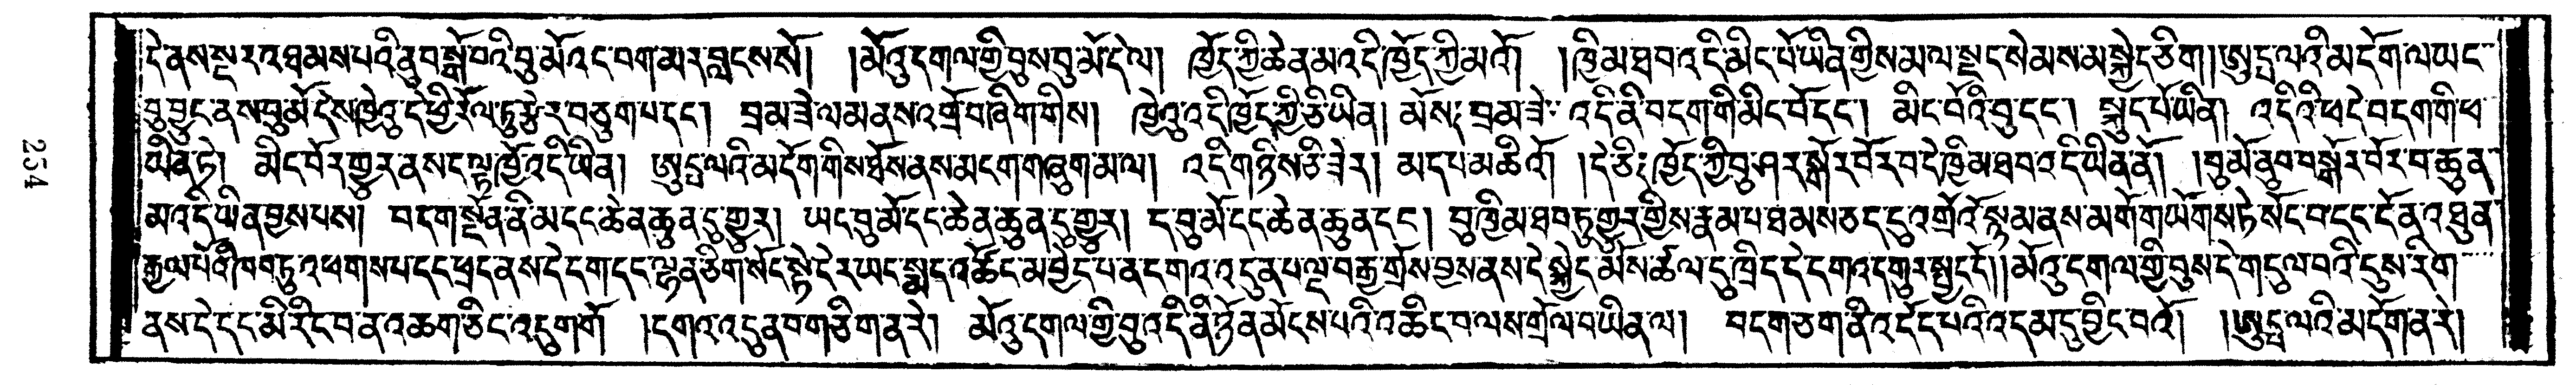དེ་ནས་སྔར་འཐམས་པའི་ནུབ་སྒོ་བའི་བུ་མོའང་བག་མར་བླངས་སོ། །མོའུ་དགལ་གྱི་བུས་བུ་མོ་དེ་ལ། ཁྱོད་ཀྱི་ཆེན་མ་འདི་ཁྱོད་ཀྱི་མའོ། །ཁྱིམ་ཐབ་འདི་མིང་པོ་ཡིན་གྱིས་མ་ལ་སྡང་སེམས་མ་སྐྱེད་ཅིག །ཨུདཔ་ལའི་མདོག་ལ་ཡང་
བུ་བྱུང་ནས་བུ་མོ་དེས་ཁྱེའུ་དེ་ཕྱི་རོལ་ཏུ་རྩེར་བཅུག་པ་དང་། བྲམ་ཟེ་ལམ་ནས་འགྲོ་བ་ཞིག་གིས། ཁྱེའུ་འདི་ཁྱོད་ཀྱི་ཅི་ཡིན། མོས༑ བྲམ་ཟེ་འདི་ནི་བདག་གི་མིང་པོ་དང་། མིང་པོའི་བུ་དང་། སྐུད་པོ་ཡིན། འདིའི་ཕ་དེ་བདག་གི་ཕ་
ཡིན་ཏེ། མིང་པོར་གྱུར་ནས་ད་ལྟ་ཁྱོ་འདི་ཡིན། ཨུདཔ་ལའི་མདོག་གིས་ཐོས་ནས་མངག་གཞུག་མ་ལ། འདི་གཉིས་ཅི་ཟེར། མད་པ་མཆིའོ། །དེ་ཅི༑ ཁྱོད་ཀྱི་བུ་ཤར་སྒོར་བོར་བ་དེ་ཁྱིམ་ཐབ་འདི་ཡིན་ནོ། །བུ་མོ་ནུབ་བསྒོར་བོར་བ་ཆུན་
མ་འདི་ཡིན་བྱས་པས། བདག་སྔོན་ནི་མ་དང་ཆེན་ཆུན་དུ་གྱུར། ཡང་བུ་མོ་དང་ཆེན་ཆུན་དུ་གྱུར། ད་བུ་མོ་དང་ཆེན་ཆུན་དང་། བུ་ཁྱིམ་ཐབ་ཏུ་གྱུར་གྱིས་རྣམ་པ་ཐམས་ཅད་དུ་འགྲོའོ་སྙམ་ནས་མགོ་གཡོགས་ཏེ་སོང་བ་དང་དོན་འཐུན་
རྒྱལ་པོའི་ཁབ་ཏུ་འཕགས་པ་དང་ཕྲད་ནས་དེ་དག་དང་ལྷན་ཅིག་སོང་སྟེ་དེར་ཡང་སྨད་འཚོང་མ་བྱེད་པ་ན་དགའ་འདུན་པ་ལྔ་བརྒྱ་གྲོས་བྱས་ནས་དེ་སྐྱེད་མོས་ཚལ་དུ་ཁྲིད་དེ་དགའ་དགུར་སྤྱང་ངོ། །མོའུ་དགལ་གྱི་བུས་དེ་གདུལ་བའི་དུས་རིག་
ནས་དེ་དང་མི་རིང་བ་ན་འཆག་ཅིང་འདུག་གོ །དགའ་འདུན་པ་གཅིག་ན་རེ། མོའུ་དགལ་གྱི་བུ་འདི་ནི་ཉོན་མོངས་པའི་འཆིང་བ་ལས་གྲོལ་བ་ཡིན་ལ། བདག་ཅག་ནི་འདོད་པའི་འདམ་དུ་བྱིང་བའོ། །ཨུདཔ་ལའི་མདོག་ན་རེ།